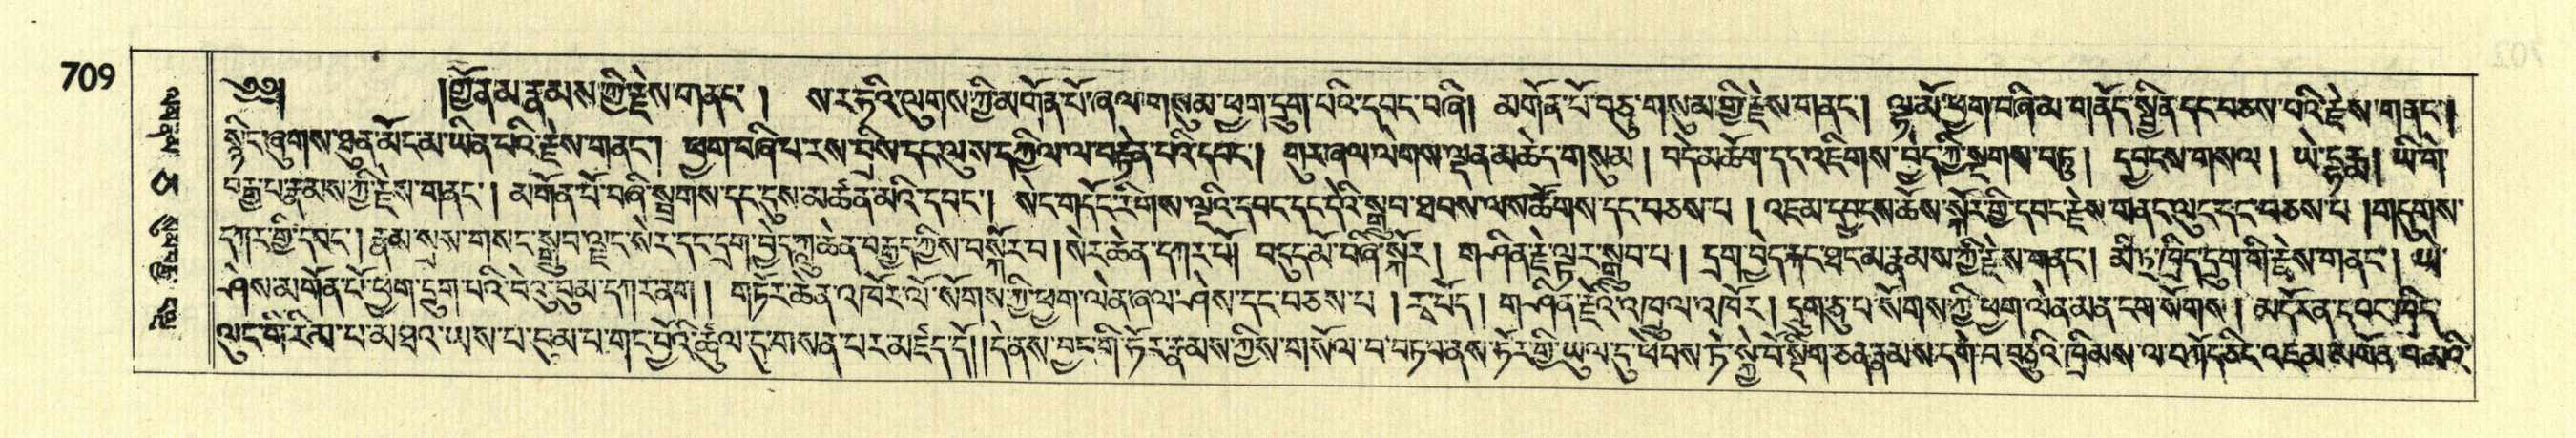༄༅། །གྱོན་མ་རྣམས་ཀྱི་རྗེས་གནང་། ས་ར་ཧའི་ལུགས་ཀྱི་མགོན་པོ་ཞལ་གསུམ་ཕྱག་དྲུག་པའི་དབང་བཞི། མགོན་པོ་བཅུ་གསུམ་གྱི་རྗེས་གནང་། ལྷ་མོ་ཕྱག་བཞི་མ་གནོད་སྦྱིན་དང་བཅས་པའི་རྗེས་གནང་།
སྙིང་ཞུགས་ཐུན་མོང་མ་ཡིན་པའི་རྗེས་གནང་། ཕྱག་བཞི་པ་རས་བྲིས་དང་ལུས་དཀྱིལ་ལ་བརྟེན་པའི་དབང་། གུར་ཞལ་ལེགས་ལྡན་མཆེད་གསུམ། བདེ་མཆོག་དང་འཇིགས་བྱེད་ཀྱི་སྔགས་བཏུ། དབྱངས་གསལ། ཡེ་དྷརྨ། ཡི་གེ་
བརྒྱ་པ་རྣམས་ཀྱི་རྗེས་གནང་། མགོན་པོ་བཞི་སྦྲགས་དང་དུས་མཚན་མའི་དབང་། སེང་གདོང་རིགས་ལྔའི་དབང་དང་དེའི་སྒྲུབ་ཐབས་ལས་ཚོགས་དང་བཅས་པ། འཇམ་དབྱངས་ཆོས་སྐོར་གྱི་དབང་རྗེས་གནང་ལུང་དང་བཅས་པ་།གདུགས་
དཀར་གྱི་དབང་། རྣམ་སྲས་གསང་སྒྲུབ་ལྗང་སེར་དང་དྲག་བྱེད་ཀླུ་ཆེན་བརྒྱད་ཀྱིས་བསྐོར་བ། སེར་ཆེན་དཀར་པོ། བདུད་མོ་བཞི་སྐོར། གཤིན་རྗེ་ལྟར་སྒྲུབ་པ། དྲག་བྱེད་རྐང་ཐང་མ་རྣམས་ཀྱི་རྗེས་གནང་། མི་ཏྲ་ཁྲིད་དྲུག་གི་རྗེས་གནང་། ཡེ་
ཤེས་མགོན་པོ་ཕྱག་དྲུག་པའི་བེའུ་བུམ་དཀར་ནག། གཏོར་ཆེན་འཁོར་ལོ་སོགས་ཀྱི་ཕྱག་ལེན་ཞལ་ཤེས་དང་བཅས་པ། རྭ་བོད། གཤིན་རྗེའི་འཁྲུལ་འཁོར། དྲུག་ཅུ་པ་སོགས་ཀྱི་ཕྱག་ལེན་མན་ངག་སོགས། མདོར་ན་དབང་ཁྲིད་
ལུང་གི་རིམ་པ་མཐའ་ཡས་པ་བུམ་པ་གང་བྱོའི་ཚུལ་དུ་གསན་པར་མཛད་དོ། །དེ་ནས་བྱང་གི་ཧོར་རྣམས་ཀྱིས་གསོལ་བ་བཏབ་ནས་ཧོར་གྱི་ཡུལ་དུ་ཕེབས་ཏེ་སྐྱེ་བོ་སྡིག་ཅན་རྣམས་དགེ་བ་བཅུའི་ཁྲིམས་ལ་བཀོད་ཅིང་འཇམ་མགོན་བ་མའི་